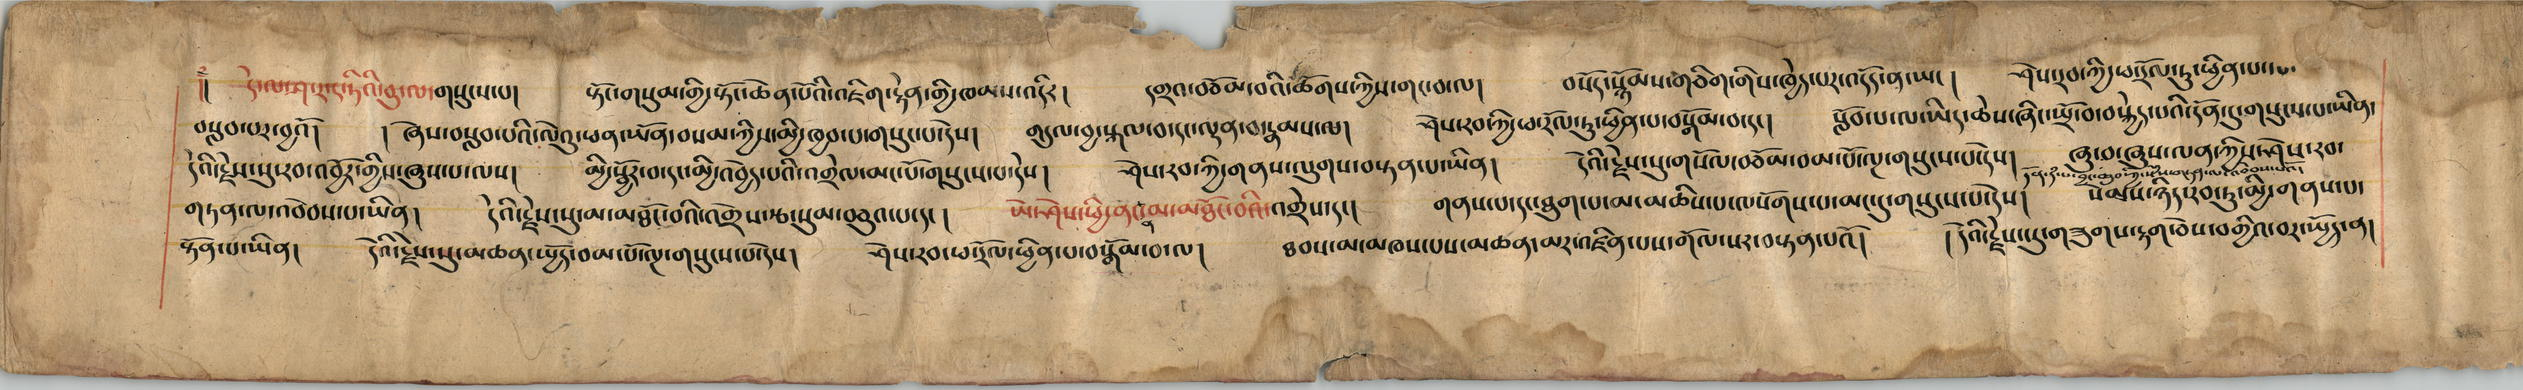།། དེ་ལ་ཤ་ར་ད་ཏིའི་བུ་ལ་གསུངས་པ། སྟོང་གསུམ་གྱི་སྟོང་ཆེན་པོའི་འཇིག་རྟེན་གྱི་ཁམས་འདིར། དགྲའ་བཅོམ་བའི་ཚོགས་ཀྱིས་གང་བ་ལ། བསོད་སྙོམས་གཅིག་གིས་ཁྱེད་པར་འདོད་ན་ཡང། ཤེས་རབ་ཀྱི་ཕ་རོལ་ཏུ་ཕྱིན་པ་ལ་
་བྱའོ། ། ཞེས་བསླབ་པའི་ལེའུ་ཕན་ཡོན་བསམ་ཀྱིས་མྱི་ཁྱབ་པ་གསུང་པདེས། གདུལ་བྱ་སྐལ་བ་དང་ལྡན་བ་རྣམས་ལ། ཤེས་རབ་ཀྱི་ཕ་རོལ་ཏུ་ཕྱིན་པ་བསྒོམ་པ་དང། སློབ་པ་ལ་ཡིད་ཆེས་ཞིང་སྤྲོ་བ་བསྐྱེད་པའི་དོན་དུ་གསུངས་པ་ཡིན་
དེའི་རྗེས་སུ་རབ་འབྱོར་གྱིས་ཞུས་པ་ལས། མྱི་སྦྱོར་བ་དང་མྱི་འབྱེདད་པའི་འགྲེལ་མང་པོ་གསུངས་པ་དེས། ཤེ་རབ་ཀྱི་གནས་ལུགས་བསྟན་པ་ཡིན། དེའི་རྗེས་སུ་གསོལ་བཅོམ་བམ་པོ་ལྔ་གསུངས་པ་དེས། ཞུ་བ་ཞུས་ལན་ཀྱིས་ཤེས་རབ་
གཏན་ལ་འབེབས་པ་ཡིན། དེའི་རྗེས་སུ་མ་མཐོང་བའི་འགྲོས་རྩ་སུམ་བཅུའ་པ་དངད ། ཡེ་ཤེས་ཕྱི་ནང་མ་མཐོང་བའི་འགྲེས་དང་། གནས་དང་ཐུག་པ་མ་མཆིས་པ་ལསོགས་པ་མང་དུ་གསངས་པ་དེས་། སེམས་ཉིད་རབ་རུ་མྱི་གནས་
སྟོན་པ་ཡིན། དེའི་རྗེས་སུ་མཆན་སྤྱོད་བམ་པོ་ལྔ་གསུངས་པ་དེས། ཤེས་རབ་ཕ་རོལ་ཕྱིན་པ་བསྒོམ་བ་ལ། ཐབས་མ་མཁས་པས་མཚན་མར་འཛིན་པས་གོལ་སར་བསྟན་པའོ། །དེའི་རྗེས་སུ་གཟུགས་རྟག་ཅེས་བགྱིའ་བར་ཡྱོད་ན།